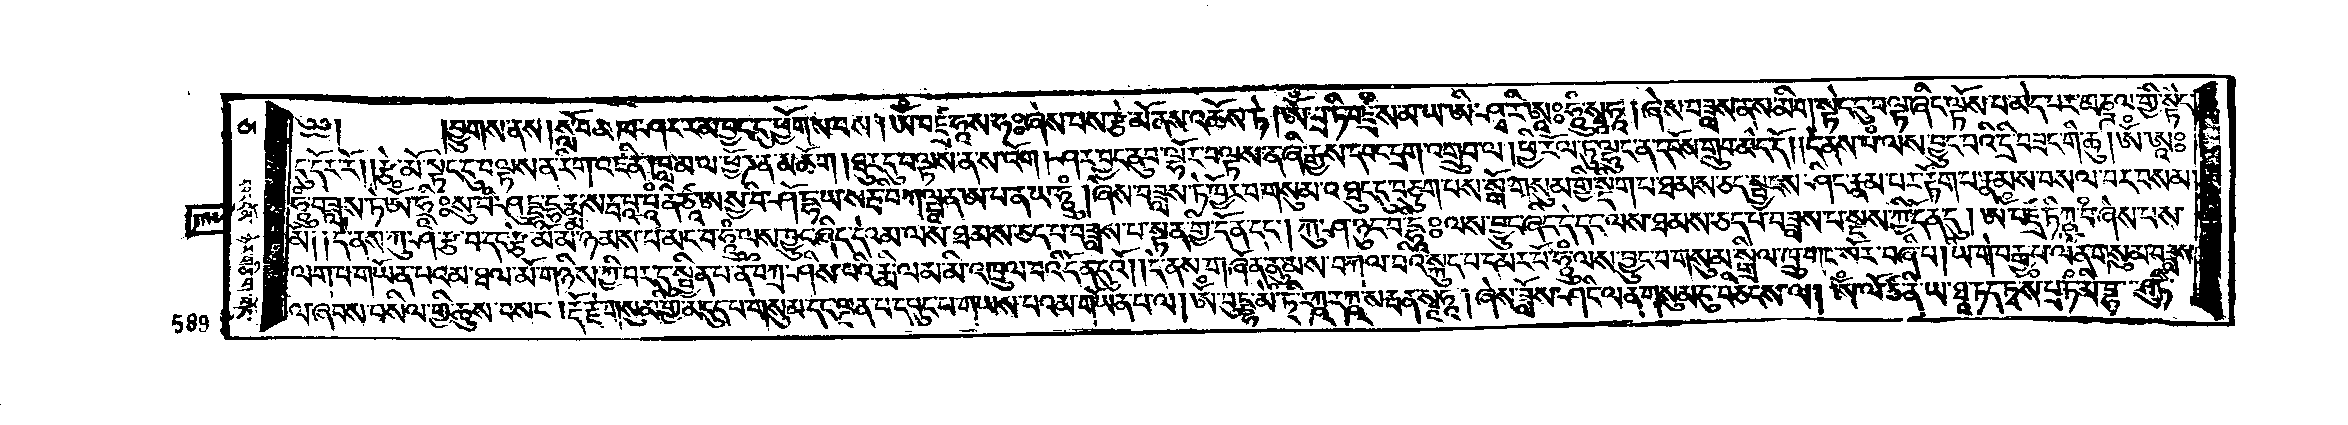༄༅། །བྱུགས་ནས། སློབ་མ་ཁ་ཤར་རམ་བྱང་དུ་ཕྱོགས་པས། ཨོཾ་བཛྲ་ཧཱ་ས་ཧཱཿ ཞེས་པས་རྩེ་མོ་ནས་འཆོས་ཏེ། ཨོཾ་པྲ་ཏི་བཛྲི་ས་མ་ཡ་ཨི་ཤྭ་རི་ཨཱཿ ཧཱུཾ་སྭཱ་ཧཱ། ཞེས་བཟླས་ནས་མིག་སྟེང་དུ་བལྟ་ཞིང་ལྟོས་པ་མེད་པར་མཎྜལ་གྱི་སྟེང་
དུ་དོར་རོ། །རྩེ་མོ་སྟེང་དུ་བལྟས་ན་རིག་འཛིན། བླ་མ་ལ་ཕྱོགས་ན་མཆོག །ཐུར་དུ་བལྟས་ན་ས་འོག །ཤར་བྱང་ནུབ་ལྷོར་བལྟས་ན་ཞི་རྒྱས་དབང་དྲག་འགྲུབ་ལ། ཕྱི་རོལ་ཏུ་ལྷུང་ན་དངོས་གྲུབ་མེད་དོ། །དེ་ནས་པཾ་ལས་བྱུང་བའི་དྲི་བཟང་གི་ཆུ། ཨོཾ་ཨཱཿ
ཧཱུཾ་བཟླས་ཏེ་ཨོཾ་ཧྲཱིཿ སུ་བི་ཤུདྡྷ་དྷརྨ་སརྦ་པཱ་པཱཾ་ནི་ཙཱ་ཨ་སྱ་བི་ཤོ་དྷ་ཡ་སརྦ་བི་ཀལྤཱན་ཨ་པ་ན་ཡ་ཧཱུཾ། ཞེས་བཟླས་ཏེ་ཁྱོར་བ་གསུམ་འཐུང་དུ་བཅུག་པས་སྒོ་གསུམ་གྱི་སྡིག་པ་ཐམས་ཅད་སྦྱངས་ཤིང་རྣམ་པར་རྟོག་པ་རྣམས་བསལ་བར་བསམ་
མོ༑ ༑དེ་ནས་ཀུ་ཤ་རྩ་བ་དང་རྩེ་མོ་མ་ཉམས་པ་མང་བ་ཧཱུཾ་ལས་བྱུང་ཞིང་དེའམ་ལས་ཐམས་ཅད་པ་བཟླས་པ་སྟན་གྱི་དོན་དང་། ཀུ་ཤ་ཉུང་བ་དྷཱིཿ ལས་བྱུང་ཞིང་དེ་དང་ལས་ཐམས་ཅད་པ་བཟླས་པ་སྔས་ཀྱི་དོན་དུ། ཨོཾ་བཛྲ་ཏིཀྵ་བཾ་ཞེས་པས་
ལག་པ་གཡོན་པའམ་ཐལ་མོ་གཉིས་ཀྱི་བར་དུ་སྦྱིན་པ་ནི་བཀྲ་ཤིས་པའི་རྨི་ལམ་མི་འཁྲུལ་བའི་དོན་དུའོ། །དེ་ནས་གཞོན་ནུ་མས་བཀལ་བའི་སྐུད་པ་དམར་པོ་ཧཱུཾ་ལས་བྱུང་བ་གསུམ་སྒྲིལ་ཁྲུ་གང་སོར་བཞི་པ། ཡི་གེ་བརྒྱ་པ་ལན་གསུམ་བཟླས་
ལ་ཞབས་བསིལ་གྱི་ཆུས་བསང་། རྡོ་རྗེ་གསུམ་གྱི་མདུད་པ་གསུམ་དང་ལྡན་པ་དཔུང་བ་གཡས་པའམ་གཡོན་པ་ལ། ཨོཾ་བུདྡྷ་མེཾ་ཏྲི་རཀྵ་རཀྵ་སརྦན་སྭཱ་ཏཱ། ཞེས་ཟློས་ཤིང་ལན་གསུམ་དུ་བཅིངས་ལ། ཨོཾ་ལོ་ཙ་ནི་ཡ་ཐཱ་ཏད་ཏྭ་སཾ་པྲ་ཏཾ་མི་བྷ་ཤུཏི་